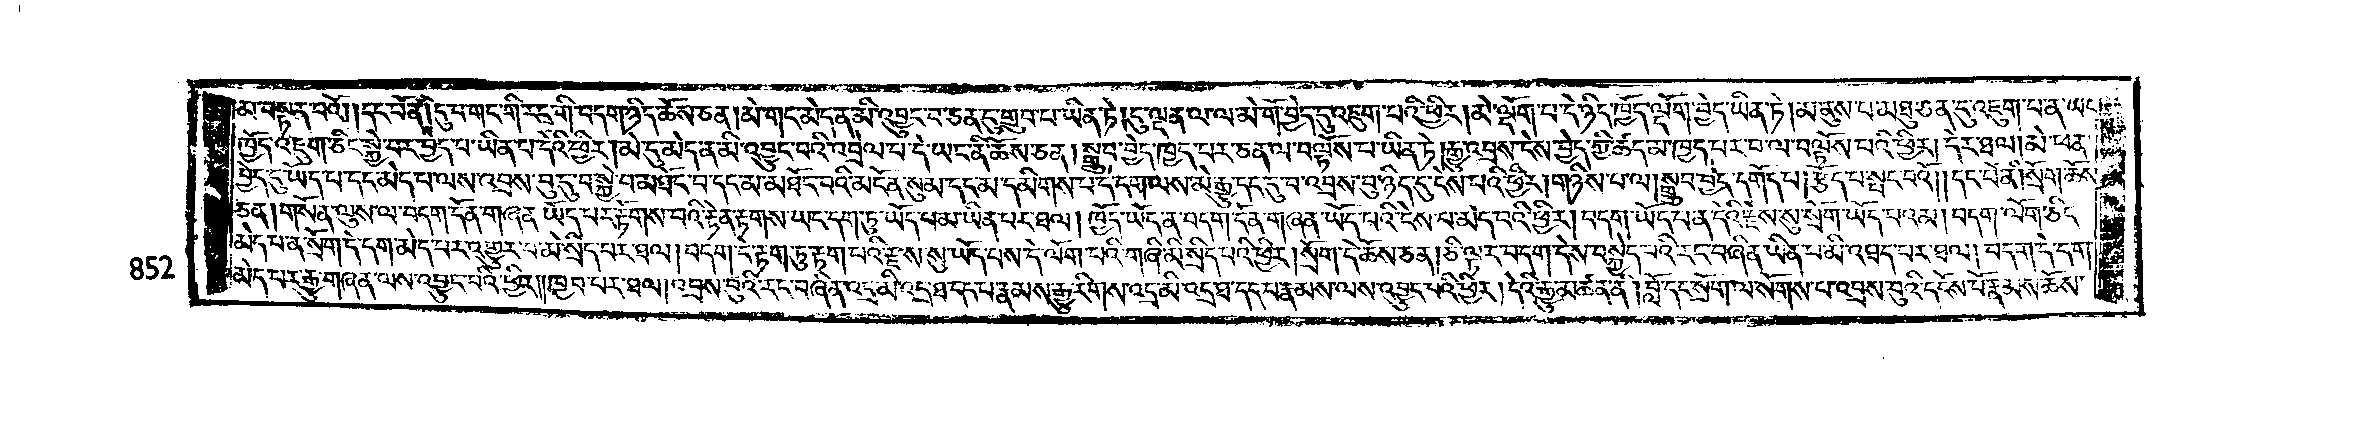མ་བསྟན་པའོ། །དང་པོ་ནི། དུ་བ་གང་གི་རང་གི་བདག་ཉིད་ཆོས་ཅན། མེ་གང་མེད་ན་མི་འབྱུང་བ་ཅན་དུ་གྲུབ་པ་ཡིན་ཏེ། དུ་ལྡན་ལ་ལ་མེ་གོ་བྱེད་དུ་འདུག་པའི་ཕྱིར། མེ་ལྡོག་པ་དེ་ཉིད་ཁྱོད་ལྡོག་བྱེད་ཡིན་ཏེ། མ་ནུས་པ་མཐུ་ཅན་དུ་འཇུག་པ་ན་ཡང་
ཁྱོད་འཇུག་ཅིང་སྐྱེ་བར་བྱེད་པ་ཡིན་པ་དེའི་ཕྱིར། མེ་དུ་མེད་ན་མི་འབྱུང་བའི་འབྲེལ་པ་དེ་ཡང་ནི་ཆོས་ཅན། སྒྲུབ་བྱེད་ཁྱེད་པར་ཅན་ལ་བལྟོས་པ་ཡིན་ཏེ། རྒྱུ་འབྲས་ངེས་བྱེད་ཀྱི་ཚད་མ་ཁྱད་པར་པ་ལ་བལྟོས་པའི་ཕྱིར། དེར་ཐལ། མེ་ཕན་
བྱེད་དུ་ཡོད་པ་དང་མེད་པ་ལས་འབྲས་བུ་དུ་བསྐྱེ་བ་མཐོང་བ་དང་མ་མཐོང་བའི་མངོན་སུམ་དང་མ་དམིགས་པ་དེ་དག་ལས་མེ་རྒྱུ་དང་དུ་བ་འབྲས་བུ་ཉིད་དུ་ངེས་པའི་ཕྱིར། གཉིས་པ་ལ། སྒྲུབ་བྱེད་དགོད་པ། རྩོད་པ་སྤང་བའོ། །དང་པོ་ནི། སྲོག་ཆོས་
ཅན། གསོན་ལུས་ལ་བདག་དོན་གཞན་ཡོད་པར་རྟོགས་པའི་རྟེན་རྟགས་ཡང་དག་ཏུ་ཡོད་པ་མ་ཡིན་པར་ཐལ། ཁྱོད་ཡོད་ན་བདག་དོན་གཞན་ཡོད་པའི་ངེས་པ་མེད་པའི་ཕྱིར། བདག་ཡོད་པ་ན་དེའི་རྗེས་སུ་སྲོག་ཡོད་པའམ། བདག་ལོག་ཅིང་
མེད་པ་ན་སྲོག་དེ་དག་མེད་པར་འགྱུར་བ་མི་སྲིད་པར་ཐལ། བདག་ངེ་རྟག་ཏུ་རྟག་པའི་རྫས་སུ་ཡོད་པས་དེ་ལོག་པའི་གཞི་མི་སྲིད་པའི་ཕྱིར། སྲོག་དེ་ཆོས་ཅན། ཅི་ལྟར་བདག་དེས་བསྐྱེད་པའི་རང་བཞིན་ཡིན་པ་མི་འཐད་པར་ཐལ། བདག་དེ་དག་
མེད་པར་རྒྱུ་གཞན་ལས་འབྱུང་པའི་ཕྱིར། །ཁྱབ་པར་ཐལ། འབྲས་བུའི་རང་བཞིན་འདྲ་མི་འདྲ་ཐ་དད་པ་རྣམས་རྒྱུ་རིགས་འདྲ་མི་འདྲ་ཐ་དད་པ་རྣམས་ལས་འབྱུང་པའི་ཕྱིར། དེའི་རྒྱུ་མཚན་ནི། བློ་དང་སྲོག་ལ་སོགས་པ་འབྲས་བུའི་དངོས་པོ་རྣམས་ཆོས་